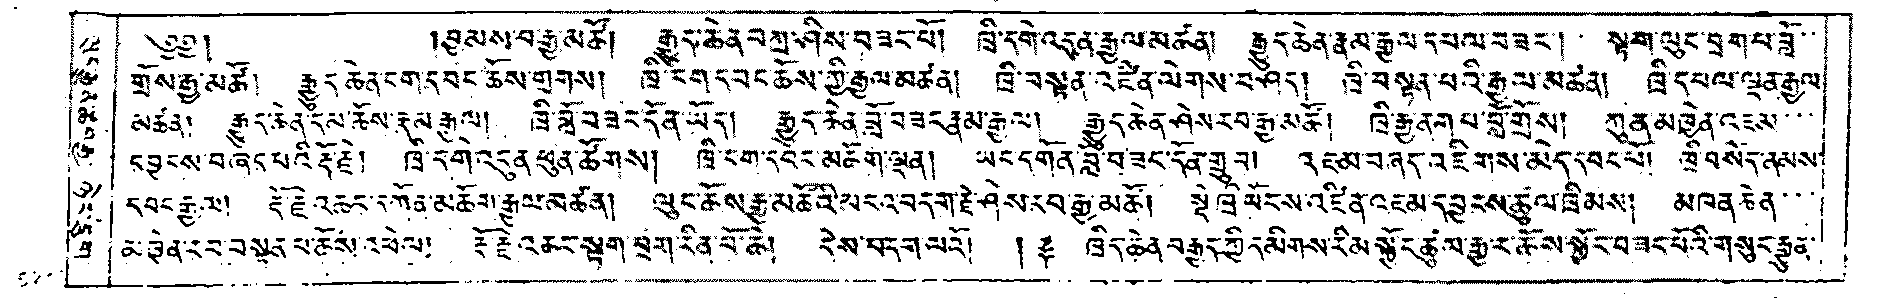༄༅། །བྱམས་པ་རྒྱ་མཚོ། རྒྱུད་ཆེན་བཀྲ་ཤིས་བཟང་པོ། ཁྲི་དགེ་འདུན་རྒྱལ་མཚན། རྒྱུད་ཆེན་རྣམ་རྒྱལ་དཔལ་བཟང་། སྟག་ལུང་བྲག་པ་བློ་
གྲོས་རྒྱ་མཚོ། རྒྱུད་ཆེན་ངག་དབང་ཆོས་གྲགས། ཁྲི་ངག་དབང་ཆོས་ཀྱི་རྒྱལ་མཚན། ཁྲི་བསྟན་འཛིན་ལེགས་བཤད། ཁྲི་བསྟན་པའི་རྒྱལ་མཚན། ཁྲི་དཔལ་ལྡན་རྒྱལ་
མཚན། རྒྱུད་ཆེན་དམ་ཆོས་རྣམ་རྒྱལ། ཁྲི་བློ་བཟང་དོན་ཡོད། རྒྱུད་ཆེན་བློ་བཟང་རྣམ་རྒྱལ། རྒྱུད་ཆེན་ཤེས་རབ་རྒྱ་མཚོ། ཁྲི་རྒྱ་ནག་པ་བློ་གྲོས། ཀུན་མཁྱེན་འཇམ་
དབྱངས་བཞད་པའི་རྡོ་རྗེ། ཁྲི་དགེ་འདུན་ཕུན་ཚོགས། ཁྲི་ངག་དབང་མཆོག་ལྡན། ཡང་དགོན་བློ་བཟང་དོན་གྲུབ། འཇམ་བཞད་འཇིགས་མེད་དབང་པོ། ཁྲི་བསོད་ནམས་
དབང་རྒྱལ། རྡོ་རྗེ་འཆང་དཀོན་མཆོག་རྒྱལ་མཚན། ལུང་ཆོས་རྒྱ་མཚོའི་མངའ་བདག་རྗེ་ཤེས་རབ་རྒྱ་མཚོ། སྡེ་ཁྲི་ཡོངས་འཛིན་འཇམ་དབྱངས་ཚུལ་ཁྲིམས། མཁན་ཆེན་
མཁྱེན་རབ་བསྟན་པ་ཆོས་འཕེལ། རྡོ་རྗེ་འཆང་སྟག་བྲག་རིན་པོ་ཆེ། དེས་བདག་ལའོ། ། ༈ ཁྲི་ཆེན་བརྒྱད་ཀྱི་དམིགས་རིམ་སྐྱོང་ཚུལ་རྒྱ་ར་ཆོས་སྐྱོང་བཟང་པོའི་གསུང་རྒྱུན་